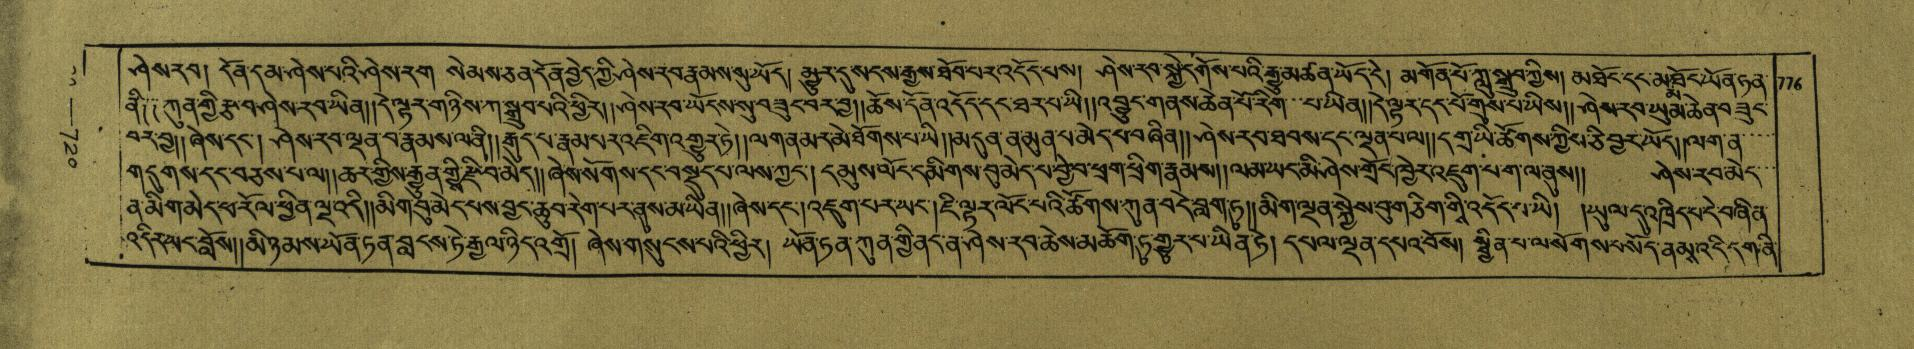ཤེས་རབ། དོན་དམ་ཤེས་པའི་ཤེས་རག་སེམས་ཅན་དོན་བྱེད་ཀྱི་ཤེས་རབ་རྣམས་སུ་ཡོད། མྱུར་དུ་སངས་རྒྱས་ཐོབ་པར་འདོད་པས། ཤེས་རབ་སྐྱེ་དགོས་པའི་རྒྱུ་མཚན་ཡོད་དེ། མགོན་པོ་ཀླུ་སྒྲུབ་ཀྱིས། མཐོང་དང་མ་མཐོང་ཡོན་ཏན་
ནི༑ ༑ཀུན་གྱི་རྩ་བ་ཤེས་རབ་ཡིན། །དེ་ལྟར་གཉིས་ཀ་སྒྲུབ་པའི་ཕྱིར། །ཤེས་རབ་ཡོངས་སུ་བཟུང་བར་བྱ། །ཆོས་དོན་འདོད་དང་ཐར་པ་ཡི། །འབྱུང་གནས་ཆེན་པོ་རིག་པ་ཡིན། །དེ་ལྟར་དང་པོ་གུས་པ་ཡིས། །ཤེས་རབ་ཡུམ་ཆེན་བཟུང་
བར་བྱ། །ཞེས་དང་། ཤེས་རབ་ལྡན་བ་རྣམས་ལ་ནི། །རྒུད་པ་རྣམ་པར་འཇིག་འགྱུར་ཏེ། །ལག་ན་མར་མེ་ཐོགས་པ་ཡི། །མདུན་ན་མུན་པ་མེད་པ་བཞིན། །ཤེས་རབ་ཐབས་དང་ལྡན་པ་ལ། །དགྲ་ཡི་ཚོགས་ཀྱིས་ཅི་བྱར་ཡོད། །ལག་ན་
གདུགས་དང་བཅས་པ་ལ། །ཆར་གྱིས་རྒྱུན་གྱིས་རྫིབ་མེད། །ཞེས་སོགས་དང་བསྡུད་པ་ལས་ཀྱང་། དམུས་ལོང་དམིགས་བུ་མེད་པ་བྱེ་བ་ཕྲག་ཕྲིག་རྣམས། །ལམ་ཡང་མི་ཤེས་གྲོང་ཁྱེར་འཇུག་པ་ག་ལ་ནུས། ཤེས་རབ་མེད་
ན་མིག་མེད་ཕ་རོལ་ཕྱིན་ལྔ་འདི། །མིག་བུ་མེད་པས་བྱང་ཆུབ་རེག་པར་ནུས་མ་ཡིན། །ཞེས་དང་། འཇུག་པར་ཡང་། ཇི་ལྟར་ལོང་པའི་ཚོགས་ཀུན་བདེ་བླག་ཏུ། །མིག་ལྡན་སྐྱེས་བུ་གཅིག་གིས་འདོད་པ་ཡི། །ཡུལ་དུ་འཁྲིད་པ་དེ་བཞིན་
འདིར་ཡང་བློས། །མི་ཉམས་ཡོན་ཏན་བླངས་ཏེ་རྒྱལ་ཉིད་འགྲོ། །ཞེས་གསུངས་པའི་ཕྱིར། ཡོན་ཏན་ཀུན་གྱི་ནང་ན་ཤེས་རབ་ཆེས་མཆོག་ཏུ་འགྱུར་པ་ཡིན་ཏེ། དཔལ་ལྡན་དཔའ་བོས། སྦྱིན་པ་ལ་སོགས་པ་བསོད་ནམས་འདི་དག་ནི་